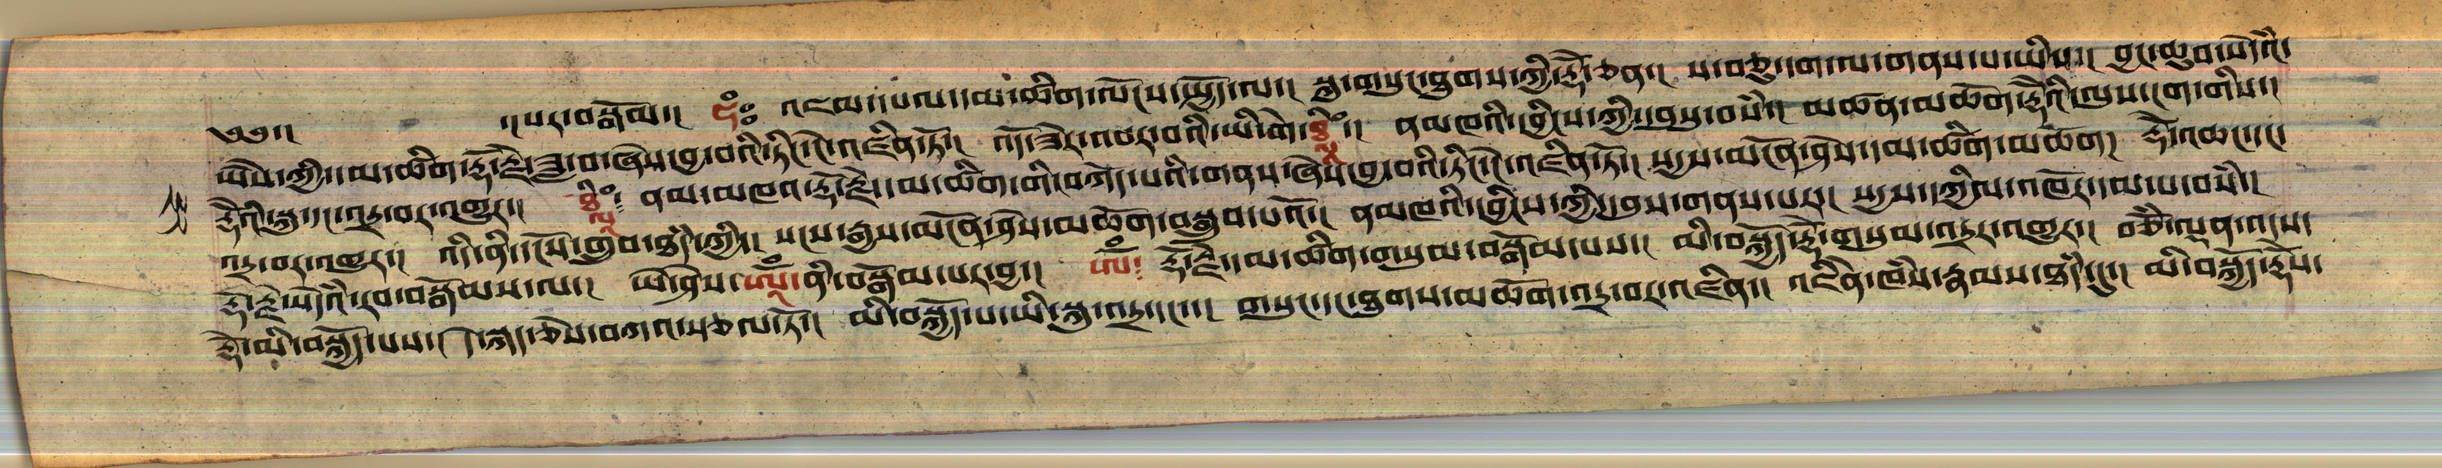༄༅་། ་།པར་བསྒོམ་། ཧཾཿ འཇམ་དཔལ་དམ་ཚིག་ལོངས་སྤྱོད་ལ་། སྐུ་གསུང་ཐུགས་ཀྱི་རྡོེ་ཅན་། ས་བཅུ་དག་ལ་གནས་པ་ཡིས་། བྱང་ཆུབ་སེདཾའ་
ཡཻས་ཀྱི་དམ་ཚིག་རྡོ་རྗེ་ཟླ་བ་ཞེས་བྱ་བའི་ཏིང་ངེ་འཛིན་ཏོ་། འོད་ཟེར་འབར་བའི་ཡི་གེ་ཐླིཾ་། ནམཁའི་དབྱིངས་ཀྱི་དབུསུ་བསཾ་། མཚན་མཆོག་རྡོེའི་ལུས་ངག་གིས་།
རྡོེའི་སྐུ་དང་འདྲ་བར་འགྱུར་། ཐླིཾ༴ ནམ་མཁའ་རྡོ་རྗེ་དམ་ཚིག་གི་བཀོད་པའི་གནས་ཞེས་བྱ་བའི་ཏིང་ངེ་འཛིན་ཏོ་། སདྱས་མངོན་ཤེས་དམ་ཚིག་མཆོག། རྡོེ་འཆང་དང་
འདྲ་བར་འགྱུར་། འདི་ནི་དངོས་གྲུབ་ཐཾད་ཀྱི་། སངས་རྒྱས་མངོན་ཤེས་མཆོག་བསྒྲུབ་པའོ་། ནམཁའི་དབྱིངས་ཀྱི་དབུས་གནས་པར་། སདྱས་དཀྱིལ་འཁོར་དམ་པ་བསཾ་།
རྡོ་རྗེ་སེཾདའ་རབ་བསྒོམས་ལ་། ཡེ་ཤེས་ཨཱོཾ་ནི་བསྒོམ་པར་བྱ་། ཨོཾ༴ རྡོ་རྗེ་དམ་ཚིག་གསུམ་བསྒོམ་པས་། མི་བསྐྱོད་རྡོེ་གསུམ་འདྲར་འགྱུར་། བཅོཾ་ལྡན་འདས་
རྡོེ་མི་བསྐྱོད་པས་། དེ་སྐད་ཅེས་བཀའ་སྩལ་ཏོ་། མི་བསྐྱོད་པ་ཡི་སྐུ་འདྲ་དང་་། གསུང་དང་ཐུགས་མཆོག་འདྲ་བར་འཛིན་། འཇིེན་ཁཾས་རྣམས་ཐཾད་དུ་། མི་བསྐྱོད་རྡོེས་